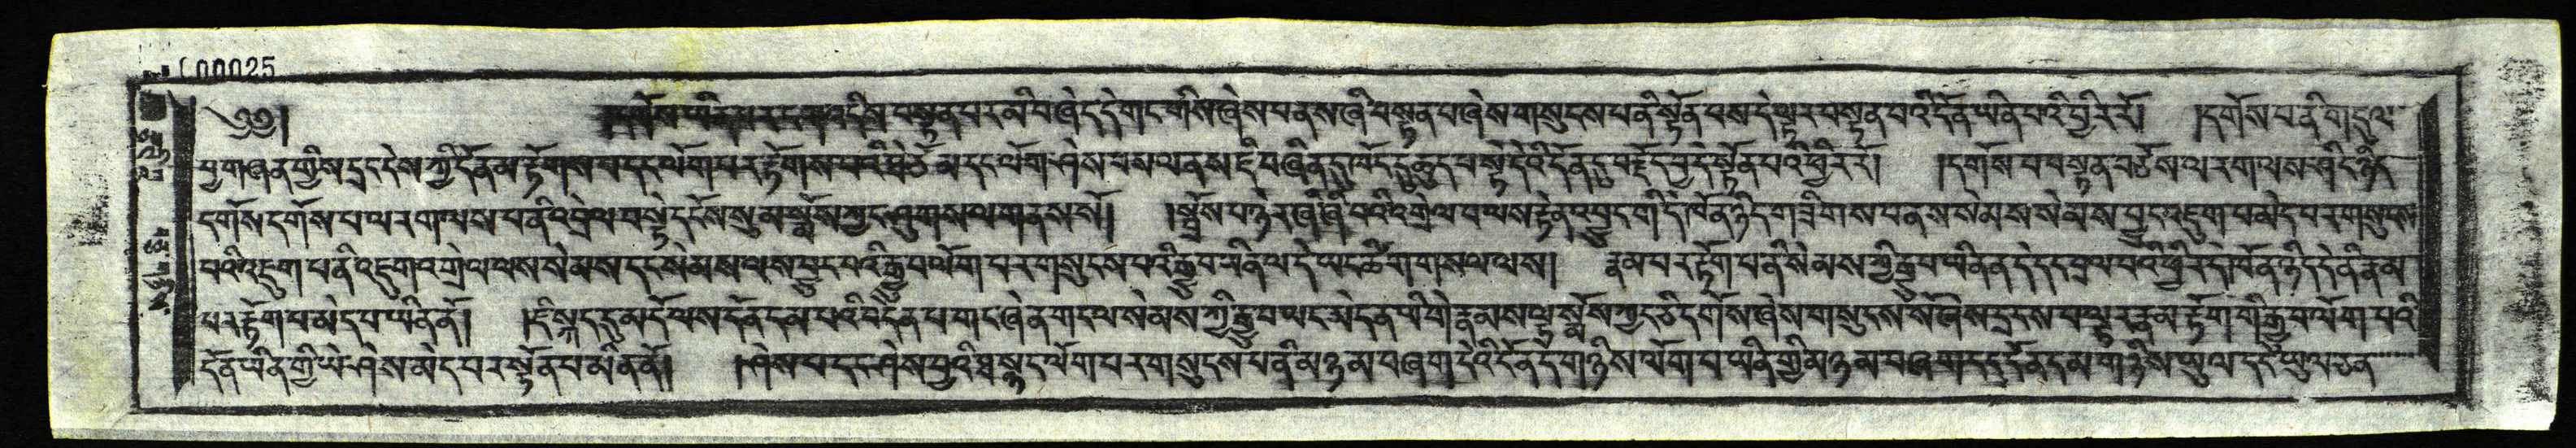༄༅། །དགོས་ཡིན་པར་དག་འདིས་བསྟན་པར་མི་བཞེད་དེ་གང་གིས་ཞེས་པ་ནས་ཞི་བསྟན་པ་ཞེས་གསུངས་པ་ནི་སྟོན་པས་དེ་ལྟར་བསྟན་པའི་དོན་ཡིན་པའི་ཕྱིར་རོ། །དགོས་པ་ནི་གདུལ་
བྱ་གཞན་གྱིས་དྲང་ངེས་ཀྱི་དོན་མ་རྟོགས་པ་དང་ལོག་པར་རྟོགས་པའི་ཐེ་ཙོམ་དང་ལོག་ཤེས་པས་ལ་ནས་ཇི་བཞིན་དུ་ཁོང་དུ་ཆུད་པ་སྟེ་དེའི་དོན་དུ་བརྗོད་བྱ་དེ་སྟོན་པའི་ཕྱིར་རོ། །དགོས་པ་བསྟན་བཅོས་ལ་རག་ལས་ཤིང་ཉིད་
དགོས་དགོས་པ་ལ་རག་ལས་པ་ནི་འབྲེལ་བ་སྟེ་དངོས་སུ་མ་སྨོས་ཀྱང་ཤུགས་ལ་གནས་སོ། །སྤྲོས་པ་ཉེར་ཞི་ཞི་བའི་འགྲེལ་བ་ལས་རྟེན་འབྱུང་གི་དེ་ཁོ་ན་ཉིད་གཟིགས་པ་ནས་སེམས་སེམས་བྱུང་འཇུག་པ་མེད་པར་གསུངས་
པའི་འཇུག་པ་ནི་འཇུག་འགྲེལ་ལས་སེམས་དང་སེམས་ལས་བྱུང་བའི་རྒྱུ་བ་ལོག་པར་གསུངས་པའི་རྒྱུ་བ་ཡིན་ལ་དེ་ཡང་ཚིག་གསལ་ལས། རྣམ་པར་རྟོག་པ་ནི་སེམས་ཀྱི་རྒྱུ་བ་ཡིན་ན་དེ་དང་བྲལ་བའི་ཕྱིར་དེ་ཁོ་ན་ཉིད་དེ་ནི་རྣམ་
པར་རྟོག་པ་མེད་པ་ཡིན་ནོ། །ཇི་སྐད་དུ་མདོ་ལས་དོན་དམ་པའི་བདེན་པ་གང་ཞེ་ན་གང་ལ་སེམས་ཀྱི་རྒྱུ་བ་ཡང་མེད་ན་ཡི་གེ་རྣམས་ལྷ་སྨོས་ཀྱང་ཅི་དགོས་ཞེས་གསུངས་སོ་ཞེས་དྲངས་པ་ལྟར་རྣམ་རྟོག་གི་རྒྱུ་བ་ལོག་པའི་
དོན་ཡིན་གི་ཡེ་ཤེས་མེད་པར་སྟོན་པ་མིན་ནོ། །ཤེས་པ་དང་ཤེས་བྱའི་ཐ་སྙད་ལོག་པར་གསུངས་པ་ནི་མཉམ་བཞག་དེའི་དོན་དེ་གཉིས་ལོག་པ་ཡིན་གྱི་མཉམ་བཞག་དང་དོན་དམ་གཉིས་ཡུལ་དང་ཡུལ་ཅན་